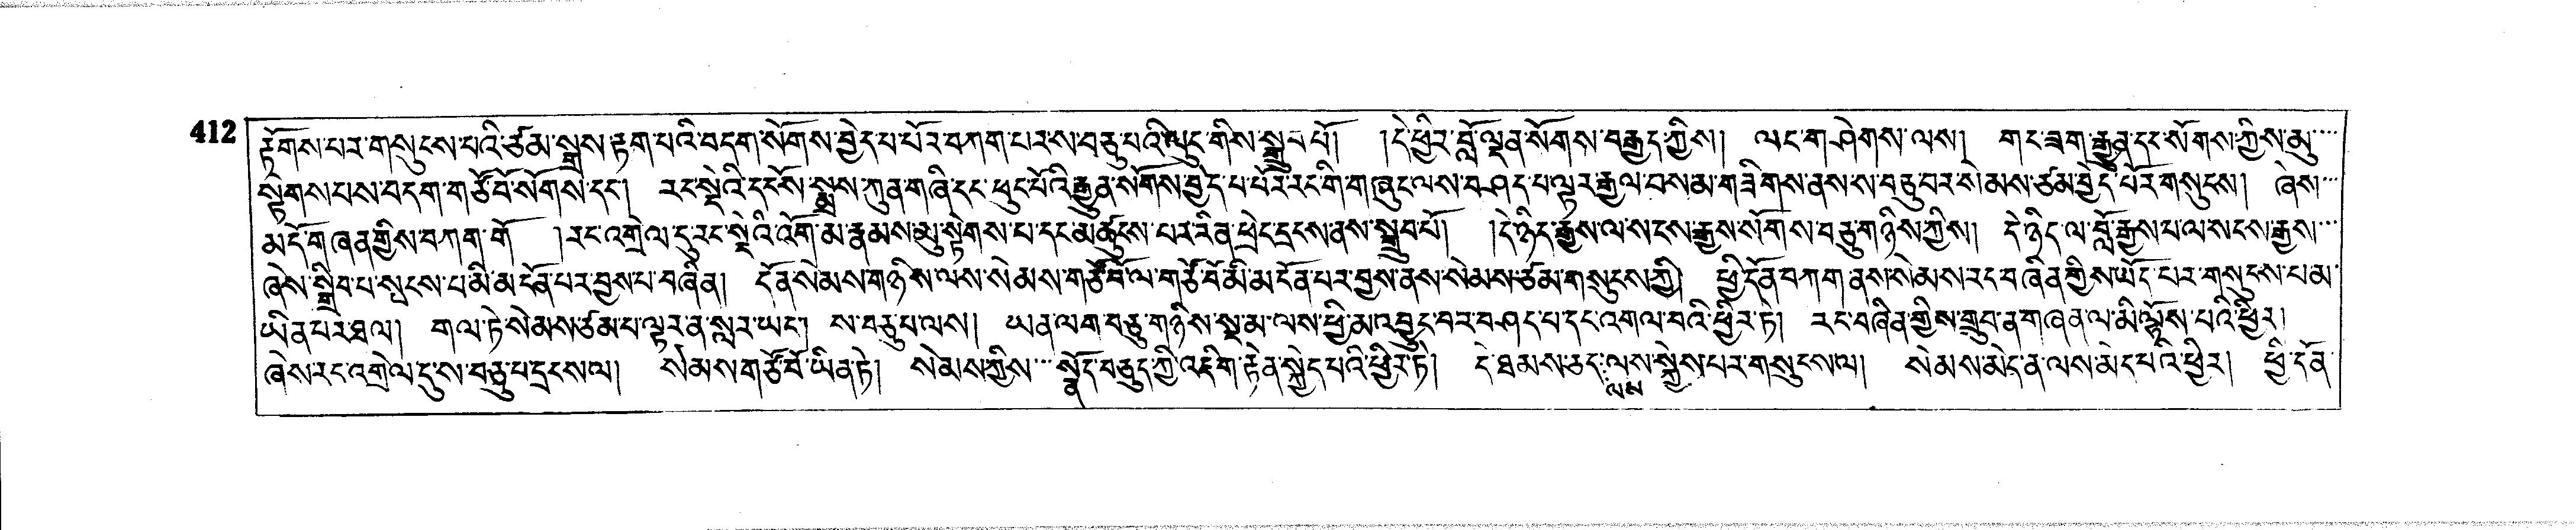རྟོགས་པར་གསུངས་པའི་ཙམ་སྒྲས་རྟག་པའི་བདག་སོགས་བྱེད་པ་པོར་བཀག་པར་ས་བཅུ་པའི་ལུང་གིས་སྒྲུབ་པོ། །དེ་ཕྱིར་བློ་ལྡན་སོགས་བརྒྱད་ཀྱིས། ལང་གཤེགས་ལས། གང་ཟག་རྒྱུན་དང་སོགས་ཀྱིས་མུ་
སྟེགས་པས་བདག་གཙོ་བོ་སོགས་དང་། རང་སྡེའི་དངོས་སྨྲས་ཀུན་གཞི་དང་ཕུང་པོའི་རྒྱུན་སོགས་བྱེད་པ་པོར་རང་གི་གཞུང་ལས་བཤད་པ་ལྟར་རྒྱལ་བས་མ་གཟིགས་ནས་ས་བཅུ་བར་སེམས་ཙམ་བྱེད་པོར་གསུངས། ཞེས་
མདོ་གཞན་གྱིས་བཀག་གོ །རང་འགྲེལ་དུ་རང་སྡེའི་འོག་མ་རྣམས་མུ་སྟེགས་པ་དང་མཚུངས་པར་རིན་ཕྲེང་དྲངས་ནས་སྒྲུབ་པོ། །དེ་ཉིད་རྒྱས་ལ་སངས་རྒྱས་སོགས་བཅུ་གཉིས་ཀྱིས། དེ་ཉིད་ལ་བློ་རྒྱས་པ་ལ་སངས་རྒྱས་
ཞེས་སྒྲིབ་པ་སྤངས་པ་མི་མངོན་པར་བྱས་པ་བཞིན། དོན་སེམས་གཉིས་ལས་སེམས་གཙོ་བོ་ལ་གཙོ་བོ་མི་མངོན་པར་བྱས་ནས་སེམས་ཙམ་གསུངས་ཀྱི། ཕྱི་དོན་བཀག་ནས་སེམས་རང་བཞིན་གྱིས་ཡོད་པར་གསུངས་པ་མ་
ཡིན་པར་ཐལ། གལ་ཏེ་སེམས་ཙམ་པ་ལྟར་ན་སླར་ཡང་། ས་བཅུ་པ་ལས། ཡན་ལག་བཅུ་གཉིས་སྔ་མ་ལས་ཕྱི་མ་འབྱུང་བར་བཤད་པ་དང་འགལ་བའི་ཕྱིར་ཏེ། རང་བཞིན་གྱིས་གྲུབ་ན་གཞན་ལ་མི་ལྟོས་པའི་ཕྱིར།
ཞེས་རང་འགྲེལ་དུ་ས་བཅུ་པ་དྲངས་ལ། སེམས་གཙོ་བོ་ཡིན་ཏེ། སེམས་ཀྱིས་སྣོད་བཅུད་ཀྱི་འཇིག་རྟེན་སྐྱེད་པའི་ཕྱིར་ཏེ། དེ་ཐམས་ཅད་ལས་ལས་སྐྱེས་པར་གསུངས་ལ། སེམས་མེད་ན་ལས་མེད་པའི་ཕྱིར། ཕྱི་དོན་